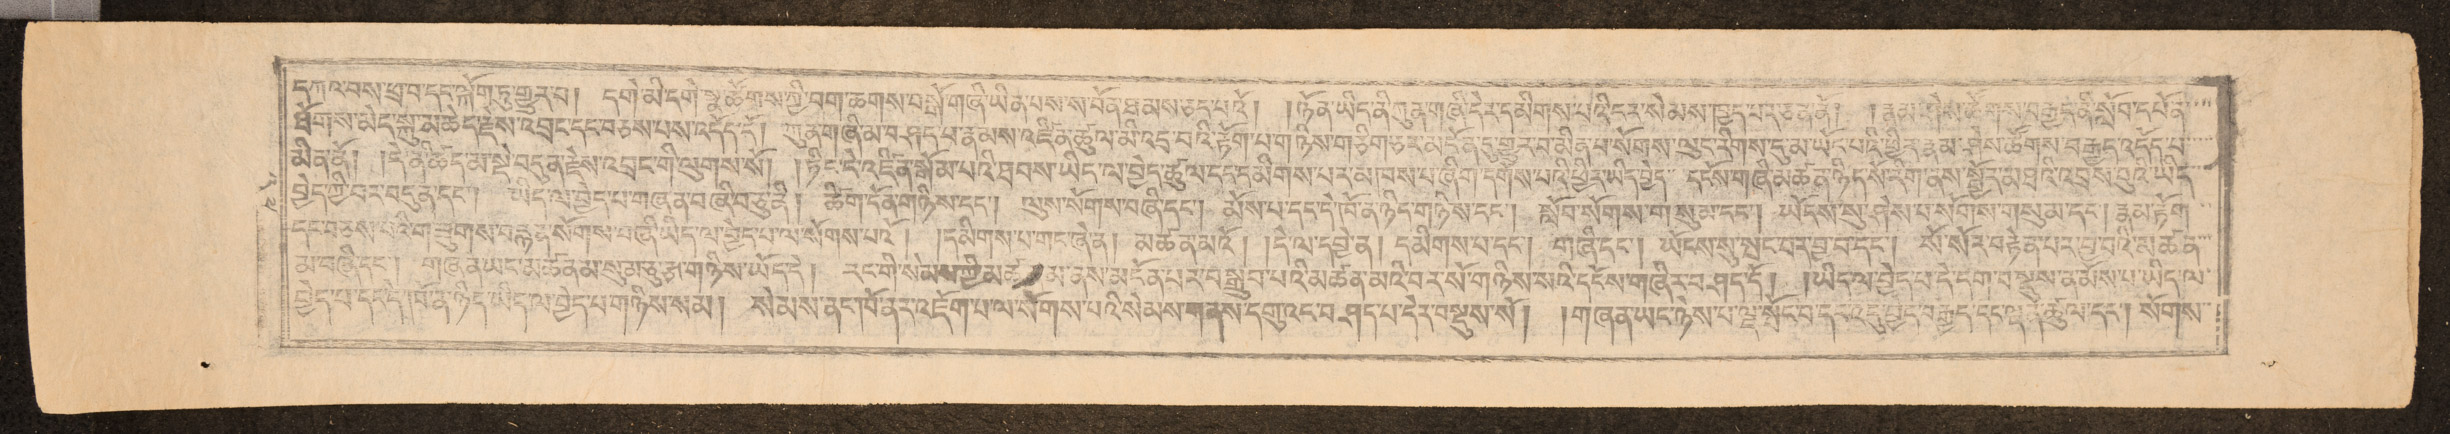དཀའ་བས་ཕྲ་བ་དང་ལྐོག་ཏུ་གྱུར་བ། དགེ་མི་དགེ་སྣ་ཚོགས་ཀྱི་བག་ཆགས་བསྒོ་གཞི་ཡིན་པས་ས་བོན་ཐམས་ཅད་པའོ། །ཉོན་ཡིད་ནི་ཀུན་གཞི་དེར་དམིགས་པའི་དར་སེམས་ཁྱད་པར་ཅན་ནོ། །རྣམ་ཤེས་ཚོགས་བརྒྱད་ནི་སློབ་དཔོན་
ཐོགས་མེད་སྐུ་མཆེད་རྗེས་འབྲང་དང་བཅས་པས་འདོད་དོ། ཀུན་གཞི་མ་བཤད་པ་རྣམས་འཛིན་ཚུལ་མི་འདྲ་བའི་རྟོག་པ་གཉིས་གཅིག་ཅར་མངོན་དུ་གྱུར་བ་མིན་པ་སོགས་ལུང་རིགས་དུ་མ་ཡོང་བའི་ཕྱིར་རྣམ་ཤེས་ཚོགས་བརྒྱད་འདོད་པ་
མིན་ནོ། །དེ་ནི་ཚད་མ་སྡེ་བདུན་རྗེས་འབྲང་གི་ལུགས་སོ། །ཏིང་ངེ་འཛིན་སྒོམ་པའི་ཐབས་ཡིད་ལ་བྱེད་ཚུལ་དང་དམིགས་པར་མཁས་པ་ཞིག་དགོས་པའི་ཕྱིར་ཡིད་བྱེད་དངོས་གཞི་མཚན་ཉིད་སོ་རིག་ནས་སྦྱོར་མཐའི་འབྲས་བུའི་ཡིད་
བྱེད་ཀྱི་བར་བདུན་དང་། ཡིད་ལ་བྱེད་པ་གཞན་བཞི་བཅུ་ནི། ཚིག་དོན་གཉིས་དང་། ལུས་སོགས་བཞི་དང་། མོས་པ་དང་དེ་ཁོ་ན་ཉིད་གཉིས་དང་། སློབ་སོགས་གསུམ་དང་། ཡོངས་སུ་ཤེས་པ་སོགས་གསུམ་དང་། རྣམ་རྟོག་
དང་བཅས་པའི་གཟུགས་བརྙན་སོགས་བཞི་ཡིད་ལ་བྱེད་པ་ལ་སོགས་པའོ། །དམིགས་པ་གང་ཞེ་ན། མཚན་མའོ། །དེ་ལ་དབྱེ་ན། དམིགས་པ་དང་། གཞི་དང་། ཡོངས་སུ་སྤང་བར་བྱ་བ་དང་། སོ་སོར་བརྟེན་པར་བྱ་བའི་མཚན་
མ་བཞི་དང་། གཞན་ཡང་མཚན་མ་སུམ་ཅུ་རྩ་གཉིས་ཡོད་དེ། རང་གི་སེམས་ཀྱི་མཚན་མ་ནས་མངོན་པར་བསྒྲུབ་པའི་མཚན་མའི་བར་སོ་གཉིས་སའི་དངོས་གཞིར་བཤད་དོ། །ཡིད་ལ་བྱེད་པ་དེ་དག་བསྡུས་ན་མོས་པ་ཡིད་ལ་
བྱེད་པ་དང་དེ་ཁོ་ན་ཉིད་ཡིད་ལ་བྱེད་པ་གཉིས་སམ། སེམས་ནང་ཁོ་ནར་འཇོག་པ་ལ་སོགས་པའི་སེམས་གནས་དགུ་འང་བཤད་པ་དེར་བསྡུས་སོ། །གཞན་ཡང་ཉེས་པ་ལྔ་སྤོང་བ་དང་འདུ་བྱེད་བརྒྱད་དང་ལྡན་ཚུལ་དང་། སོགས་